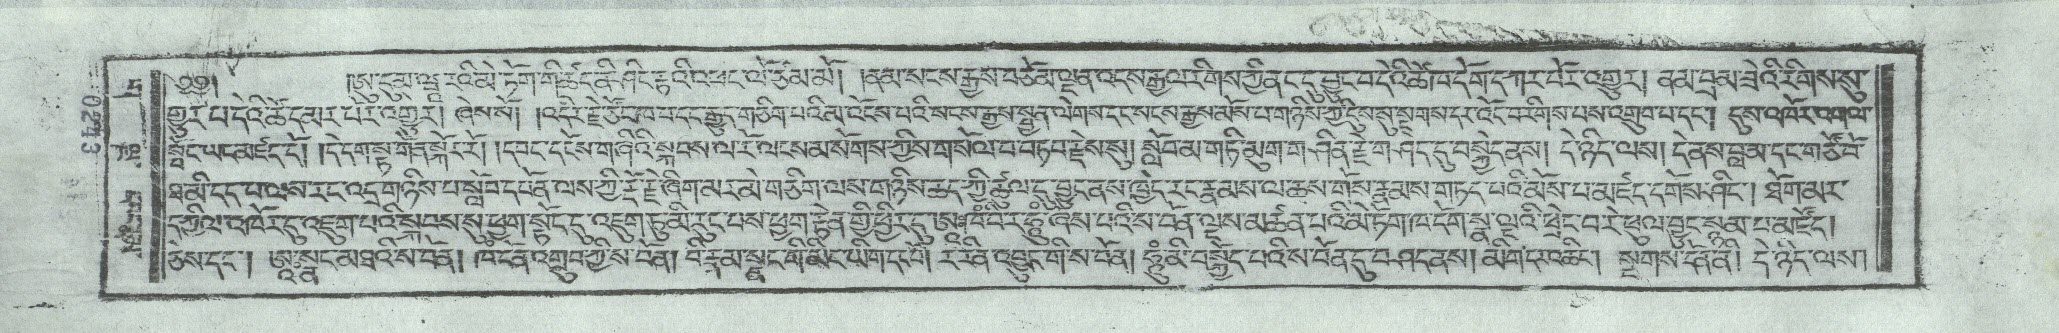༄༅། །ཨུ་དུམ་ཝཱ་རའི་མེ་ཏོག་གི་ཚད་ནི་ཤིང་རྟའི་འཕང་ལོ་ཙམ་མོ། །ནམ་སངས་རྒྱས་བཅོམ་ལྡན་འདས་རྒྱལ་རིགས་ཀྱི་ནང་དུ་བྱུང་བ་དེའི་ཚེ་ཁ་དོག་དཀར་པོར་འགྱུར། ནམ་བྲམ་ཟེའི་རིགས་སུ་
གྱུར་པ་དེའི་ཚེ་དམར་པོར་འགྱུར། ཞེས་སོ། །འདིར་རྗེ་ཙོང་ཁ་པ་དང་རྒྱུད་གཅིག་པའི་མ་འོངས་པའི་སངས་རྒྱས་སྤྱན་ལེགས་དང་སངས་རྒྱས་མོས་པ་གཉིས་ཀྱི་དུས་སུ་སྔགས་དར་འོང་བ་རིགས་པས་འགྲུབ་པ་དང་། དུས་འཁོར་འགལ་
སྤོང་ཡང་མཛད་དོ། །དེ་དག་སྟ་གོན་སྐོར་རོ། །དབང་དངོས་གཞིའི་སྐབས་ལ་རོ་ལངས་མ་སོགས་ཀྱིས་གསོལ་བ་བཏབ་རྗེས་སུ། སློབ་མ་གཏི་མུག་གཤིན་རྗེ་གཤེད་དུ་བསྐྱེད་ནས། དེ་ཉིད་ལས། དེ་ནས་བླ་མ་དང་གཙོ་བོ་
ཐ་མི་དད་པ་ལས་རང་འདྲ་གཉིས་པ་སློབ་དཔོན་ལས་ཀྱི་རྡོ་རྗེ་ཞིག་མར་མེ་གཅིག་ལས་གཉིས་ཆད་ཀྱི་ཚུལ་དུ་བྱུང་ནས་ཁྱེད་རང་རྣམས་ལ་ཆས་གོས་རྣམས་གཏད་པའི་མོས་པ་མཛད་དགོས་ཤིང་། ཐོག་མར་
དཀྱིལ་འཁོར་དུ་འཇུག་པའི་སྐབས་སུ་ཕྱག་སྟོང་དུ་འཇུག་ཏུ་མི་རུང་པས་ཕྱག་རྟེན་གྱི་ཕྱིར་དུ་ཨཱ་ཁཾ་བི་ར་ཧཱུཾ་ཞེས་པའི་ས་བོན་ལྔས་མཚན་པའི་མེ་ཏོག་ཁ་དོག་སྣ་ལྔའི་ཕྲེང་བ་རེ་ཕུལ་བྱུང་སྙམ་པ་མཛོད།
ཅེས་དང་། ཨཱ་སྣང་མཐའི་ས་བོན། ཁ་དོན་འགྲུབ་ཀྱི་ས་བོན། བི་རྣམ་སྣང་གི་མིང་ཡིག་དང་པོ། ར་རིན་འབྱུང་གི་ས་བོན། ཧཱུཾ་མི་བསྐྱོད་པའི་ས་བོན་དུ་བཤད་ནས། མིག་དར་འཆིང་། སྔགས་དོན་ནི། དེ་ཉིད་ལས།